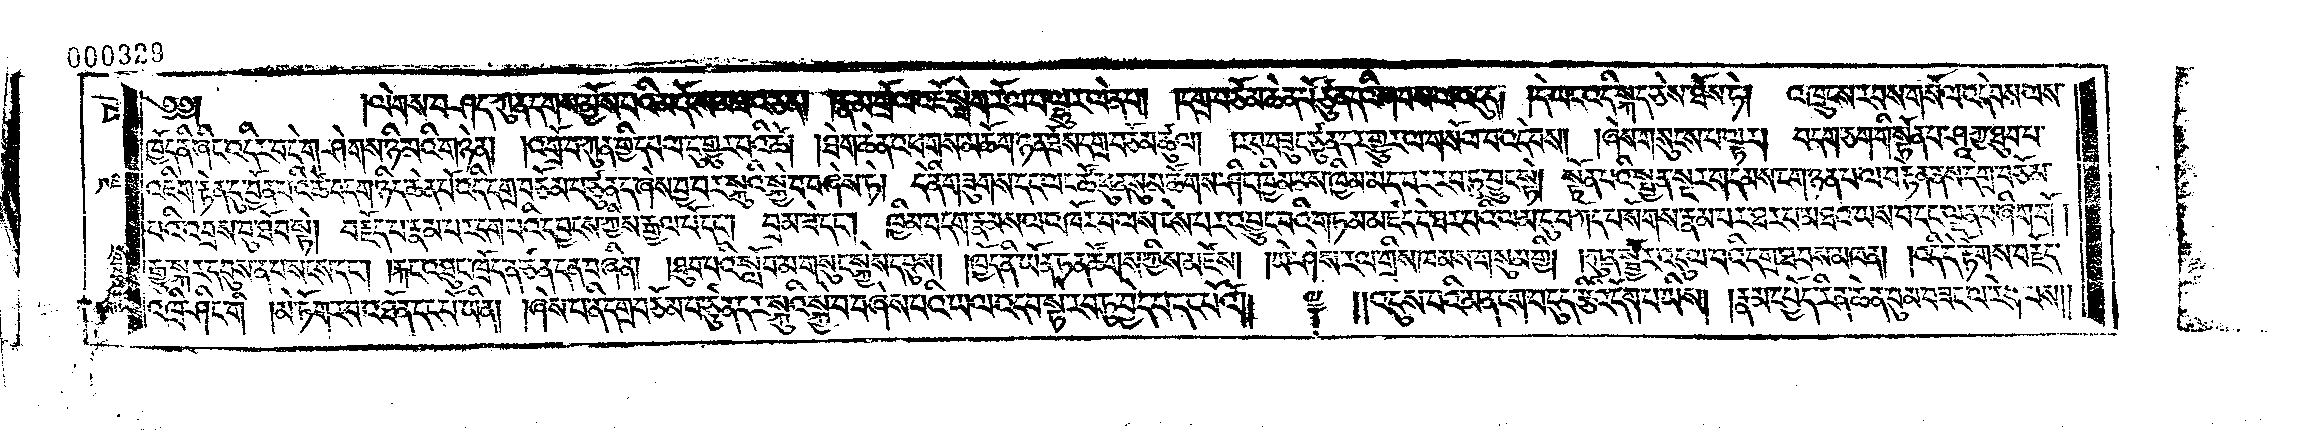༄༅། །ལེགས་བཤད་ཀུན་དགས་མྱོས་པའི་མདོངས་མཐའ་ཅན། །རྣམ་གྲོལ་འཇོ་སྒེག་རོལ་པ་ལྷུར་ལེན་པ། །དགྲ་བཅོམ་ཆེན་པོ་ཙུན་དའི་ཞབས་ལ་འདུད། །དེ་ཡང་འདི་སྐད་ཅེས་ཐོས་ཏེ། འཁྲུངས་རབས་གསོལ་འདེབས་ལས་
ཁྱོད་ནི་ཞིང་འདིར་བདེ་གཤེགས་ཉི་མའི་གཉེན། །འགྲོ་བ་ཀུན་གྱི་དཔལ་དུ་གྱུར་པའི་ཚེ། །ཐེག་ཆེན་འཕགས་མཆོག་ཉན་ཐོས་དགྲ་བཅོམ་ཚུལ། །རབ་བཟུང་ཙུན་དར་གྱུར་ལ་གསོལ་བ་འདེབས། །ཞེས་གསུངས་པ་ལྟར། བདག་ཅག་གི་སྟོན་པ་ཤཱཀྱ་ཐུབ་པ་
འཇིག་རྟེན་དུ་བྱོན་པའི་ཚེ་བདག་ཉིད་ཆེན་པོ་འདི་དགྲ་བཅོམ་བ་ཙུན་ད་ཞེས་བྱ་བར་སྐུའི་སྐྱེ་བ་བཞེས་ཏེ། དེ་ནི་གཟུགས་དང་ལང་ཚོ་ཕུན་སུམ་ཚོགས་ཤིང་ཁྱིམ་ནས་ཁྱིམ་མེད་པར་རབ་ཏུ་བྱུང་སྟེ། སྟོན་པའི་སྤྱན་སྔར་གདམས་ངག་ཉན་པ་ལ་བརྟེན་ནས་དགྲ་བཅོམ་
པའི་འབྲས་བུ་ཐོབ་སྟེ། བརྗོད་པ་རྣམ་པར་དག་པའི་དབྱངས་ཀྱིས་རྒྱལ་པོ་དང་། བྲམ་ཟེ་དང་། ཁྱིམ་བདག་རྣམས་ལ་འཁོར་བ་ལས་ངེས་པར་འབྱུང་བའི་གཏམ་མཛད་དེ་ཐར་བའི་ལམ་དུ་བཀོད་པ་སོགས་རྣམ་པར་ཐར་པ་མཐའ་ཡས་པ་དང་ལྡན་པ་ཞིག་གོ །
རྒྱུ་སྐར་དབུས་ནབ་སངས་དང་། །རྐང་འཐུང་ཁྲོད་ན་ཙན་དན་བཞིན། །ཐུབ་པའི་སློབ་མ་གསུང་སྐྱེས་དབུས། །ཁྱོད་ནི་ཡོན་ཏན་ཚོགས་ཀྱིས་མཛེས། །ཡེ་ཤེས་རལ་གྲིས་ཁམས་གསུམ་གྱི། །ཀུན་སྦྱོར་འདུལ་བའི་དགྲ་ཐབས་མཁན། །འདི་དེ་རྟོགས་བརྗོད་
འཁྲི་ཤིང་གི །མེ་ཏོག་རབ་འཐོན་དང་པོ་ཡིན། །ཞེས་པ་ནི་དགྲ་བཅོམ་བ་ཙུན་དར་སྐུའི་སྐྱེ་བ་བཞེས་པའི་ཡལ་འདབ་སྟེ་རབ་ཏུ་བྱེད་བ་དང་པོའོ།། ༈ །།འདུས་བའི་མན་ངག་བདུད་རྩིའི་དོག་པ་ཡིས། །རྣམ་དཔྱོད་རིན་ཆེན་བུམ་བཟང་ལ་རེག་པས།།